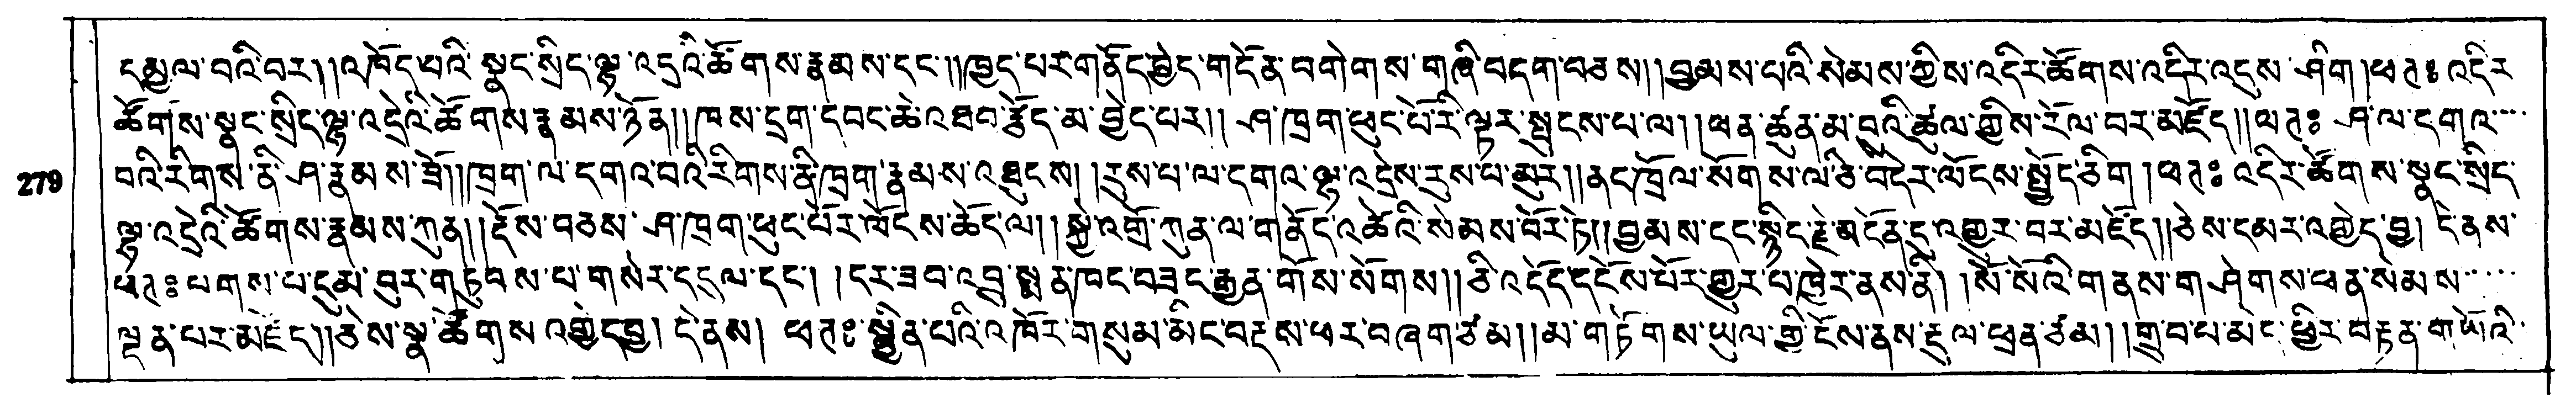དམྱལ་བའི་བར། །འཁོད་པའི་སྣང་སྲིད་ལྷ་འདྲའི་ཚོགས་རྣམས་དང་། །ཁྱད་པར་གནོད་བྱེད་གདོན་བགེགས་གཞི་བདག་བཅས། །བྱམས་པའི་སེམས་ཀྱིས་འདིར་ཚོགས་འདིར་འདུས་ཤིག ། ཕཊཿ འདིར་
ཚོགས་སྣང་སྲིད་ལྷ་འདྲེའི་ཚོགས་རྣམས་ཉོན། །ཁས་དྲག་དབང་ཆེ་འཐབ་རྩོད་མ་བྱེད་པར། །ཤ་ཁྲག་ཕུང་པོ་རི་ལྟར་སྤུངས་པ་ལ། །ཕན་ཚུན་མ་བུའི་ཚུལ་གྱིས་རོལ་བར་མཛོད། །ཕཊཿ ཤ་ལ་དགའ་
བའི་རིགས་ནི་ཤ་རྣམས་ཟོ། །ཁྲག་ལ་དགའ་བའི་རིགས་ནི་ཁྲག་རྣམས་འཐུངས། །རུས་པ་ལ་དགའ་ལྷ་འདྲེས་རུས་པ་མུར། །ནང་ཁྲོལ་སོགས་ལ་ཅི་བདེར་ལོངས་སྤྱོད་ཅིག །ཕཊཿ འདིར་ཚོགས་སྣང་སྲིད་
ལྷ་འདྲེའི་ཚོགས་རྣམས་ཀུན། །རྡོས་བཅས་ཤ་ཁྲག་ཕུང་པོར་ལོངས་ཆོད་ལ། །སྐྱེ་འགྲོ་ཀུན་ལ་གནོད་འཚེའི་སེམས་བོར་ཏེ། །བྱམས་དང་སྙིང་རྗེ་མངོན་དུ་འགྱུར་བར་མཛོད། །ཅེས་དམར་འགྱེད་བྱ། དེ་ནས་
ཕཊཿ པགས་པ་དུམ་བུར་གཏུབས་པ་གསེར་དངུལ་དང་། །དར་ཟབ་འབྲུ་སྨན་ཁང་བཟང་རྒྱན་གོས་སོགས། །ཅི་འདོད་དངོས་པོར་གྱུར་པ་ཁྱེར་ནས་ནི། །སོ་སོའི་གནས་གཤེགས་ཕན་སེམས་
ལྡན་པར་མཛོད། །ཅེས་སྣ་ཚོགས་འགྱེད་བྱ། དེ་ནས། ཕཊཿ སྦྱིན་པའི་འཁོར་གསུམ་མིང་བརྡས་ཕར་བཞག་ཙམ། །མ་གཏོགས་ཡུལ་གྱི་ངོས་ནས་རྡུལ་ཕྲན་ཙམ། །གྲུབ་པ་མེད་ཕྱིར་བརྟན་གཡོའི་